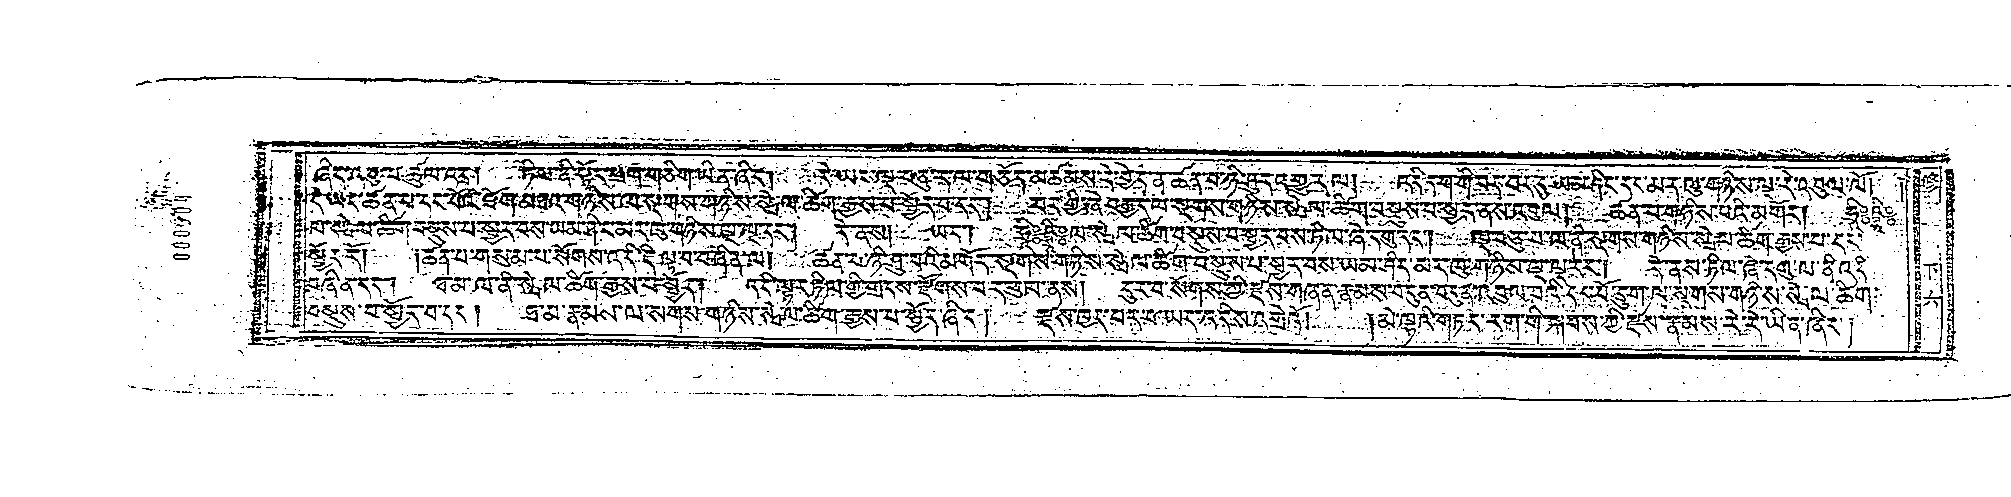ཞིང་འབུལ་ཚུལ་འདྲ། ཏིལ་ནི་སྟོང་ཕྲག་གཅིག་ཡིན་ཞིང་། དེ་ཡང་ལྔ་བཅུ་ར་ལ་གཅོད་མཚམས་རེ་བྱེད་ན་ཚན་པ་ཉི་ཤུར་འགྱུར་ལ། འདི་དག་གི་བར་བར་དུ་ཡམ་ཤིང་དང་མར་ལུ་གཉིས་ལྔ་རེ་འབུལ་ལོ། ། དེ་ཡང་ཚན་པ་དང་པོའི་ཐོག་མཐའ་གཉིས་ལ་སྔགས་གཉིས་སྤེལ་ཚིག་རྒྱས་པ་སྦྱོར་བ་དང་། བར་གྱི་ཞེ་བརྒྱད་ལ་སྔགས་གཉིས་སྤེལ་ཚིག་བསྡུས་པ་སྦྱར་ནས་འབུལ། ཚན་པ་གཉིས་པའི་མགོར། ཧྲཱིཿ་ཥྚྲཱིཿ
ལ་སྤེལ་ཚིག་བསྡུས་པ་སྦྱར་བས་ཡམ་ཤིང་མར་ཁུ་གཉིས་ལྔ་ལྔ་དང་། དེ་ནས། ཡང་། ཧྲཱིཿ་ཥྚྲཱིཿ་ལ་སྤེལ་ཚིག་བསྡུས་པ་སྦྱར་བས་ཏིལ་ཞེ་དགུ་དང་། ལྔ་བཅུ་པ་ལ་ནི་སྔགས་གཉིས་སྤེལ་ཚིག་རྒྱས་པ་དང་
སྦྱོར་རོ། །ཚན་པ་གསུམ་པ་སོགས་འདི་ཇི་ལྟ་བ་བཞིན་ལ། ཚན་པ་ཉི་ཤུ་པའི་མགོར་སྔགས་གཉིས་སྤེལ་ཚིག་བསྡུས་པ་སྦྱར་བས་ཡམ་ཤིང་མར་ཁུ་གཉིས་ལྔ་ལྔ་དང་། དེ་ནས་ཏིལ་ཞེ་དགུ་ལ་ནི་འདི་
བཞིན་དང་། ཐ་མ་ལ་ནི་སྤེལ་ཚིག་རྒྱས་པ་སྦྱོར། འདི་ལྟར་ཏིལ་གྱི་གྲངས་རྫོགས་པར་ཕུལ་ནས། དུར་བ་སོགས་ཀྱི་རྫས་གཞན་རྣམས་བདུན་བདུན་འབུལ་བའི་དང་པོ་དྲུག་ལ་སྔགས་གཉིས་སྤེལ་ཚིག་
བསྡུས་བ་སྦྱོར་བ་དང་། ཐ་མ་རྣམས་ལ་སོགས་གཉིས་སྤེལ་ཚིག་རྒྱས་པ་སྦྱོར་ཞིང་། རྫས་ཁྱད་པར་བ་ཡང་འདིས་འགྲེའོ། །མེ་ལྷའི་གཏང་རག་གི་སྐབས་ཀྱི་རྫས་རྣམས་རེ་རེ་ཡིན་ཞིང་།